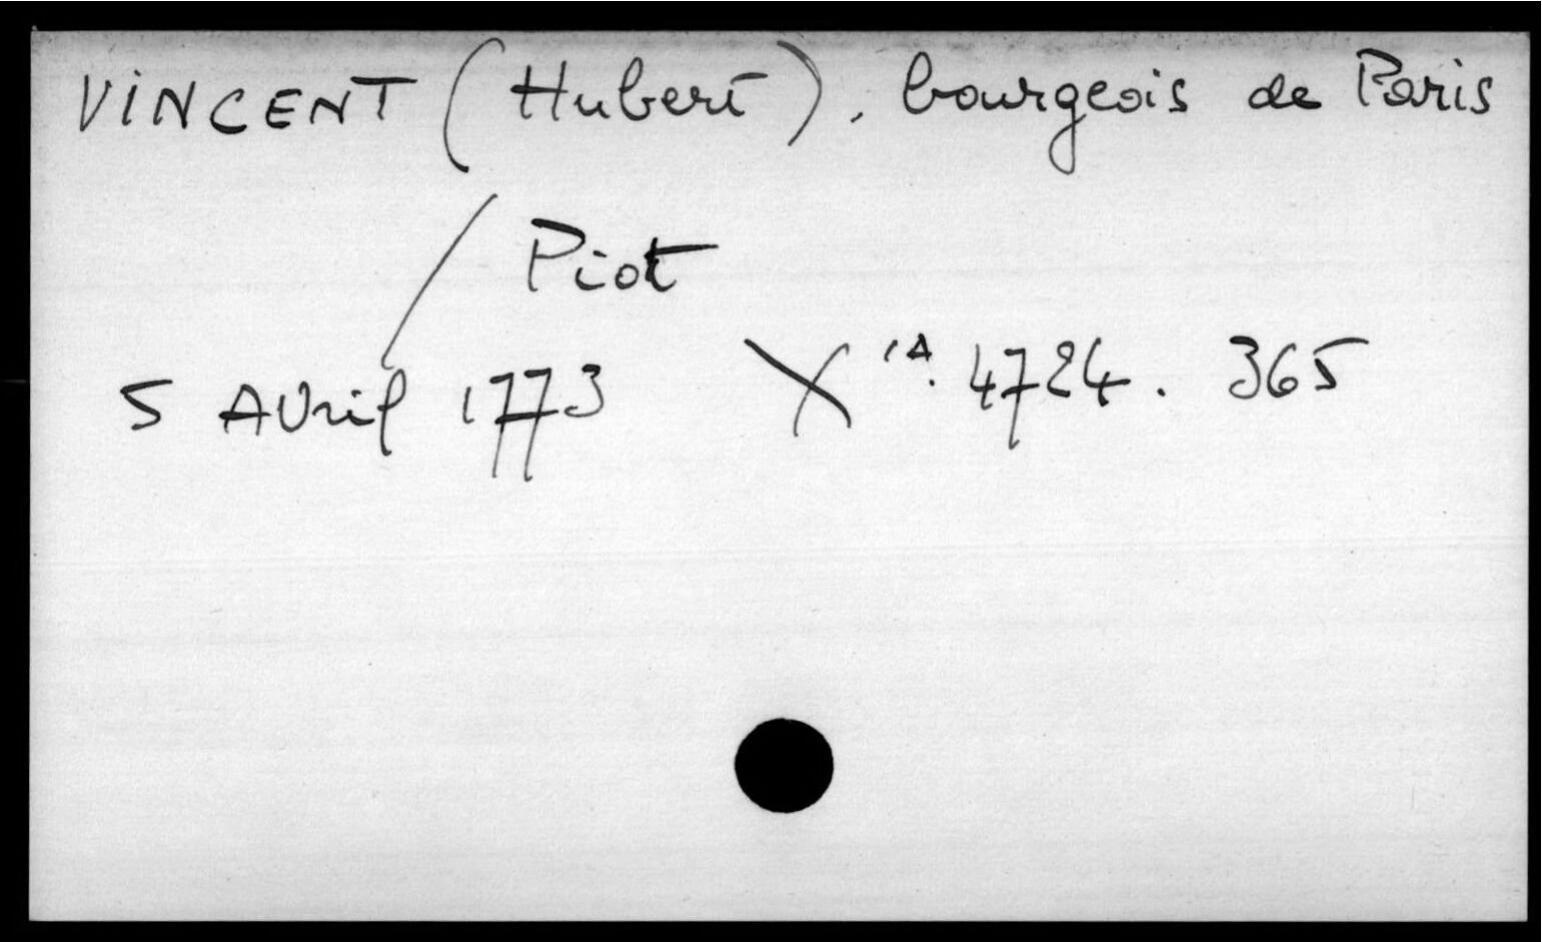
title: VINCENT (Hubert), bourgeois de Paris
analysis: Contre Piot
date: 5 avril 1773
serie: X1A
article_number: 4724
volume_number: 365
